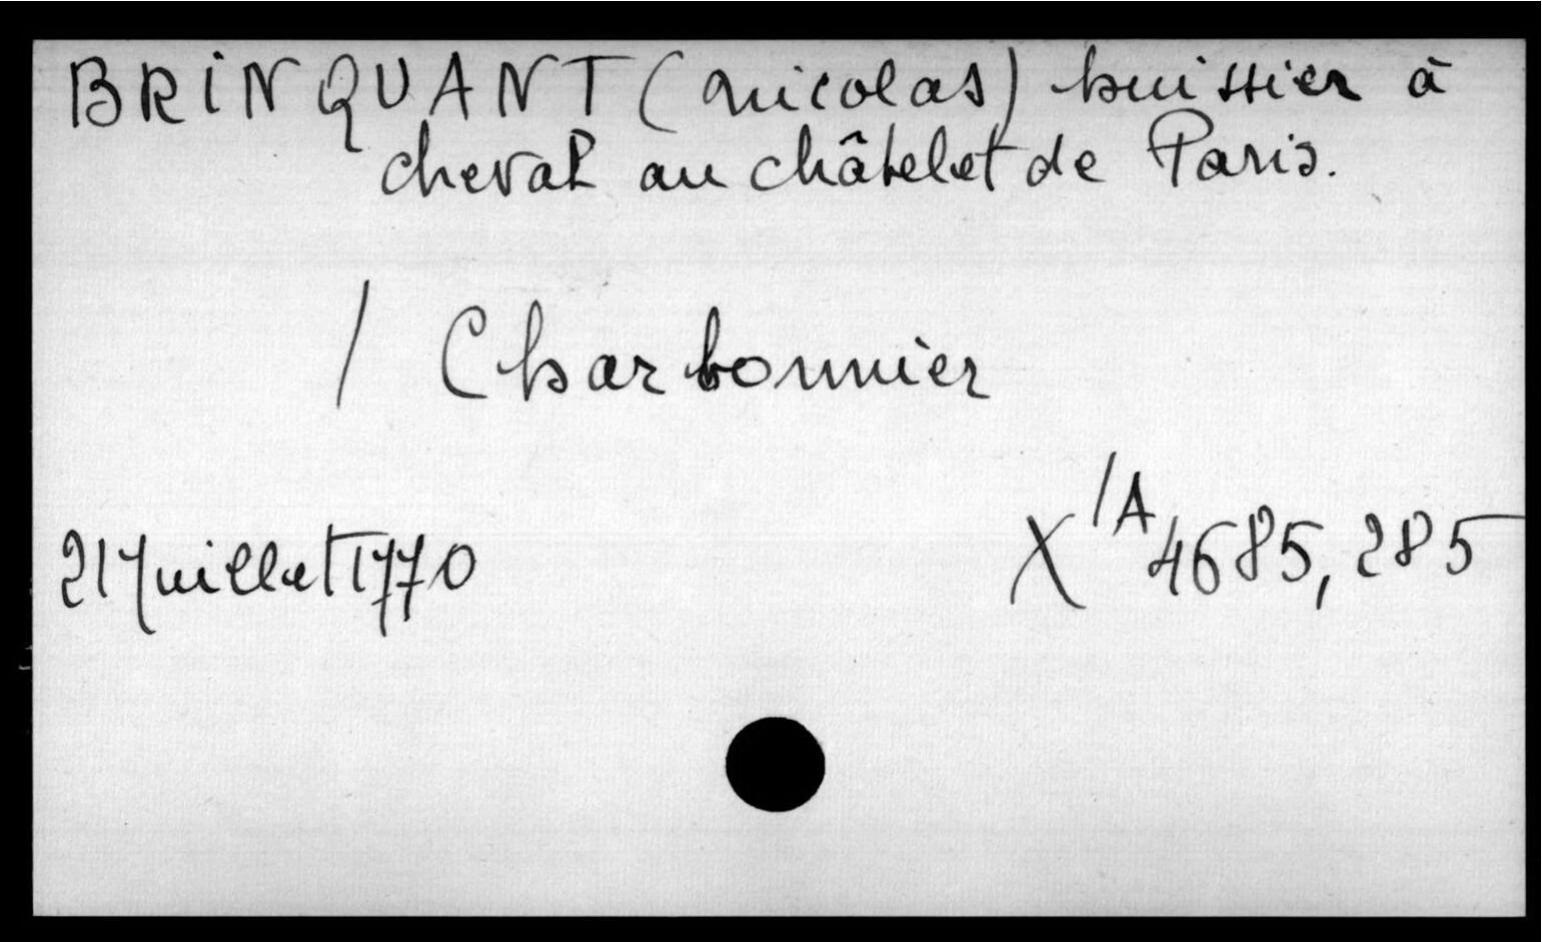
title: BRINQUANT (Nicolas) huissier à cheval au châtelet de Paris.
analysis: Contre Charbonnier
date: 21 juillet 1770
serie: X1A
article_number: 4685
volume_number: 285
